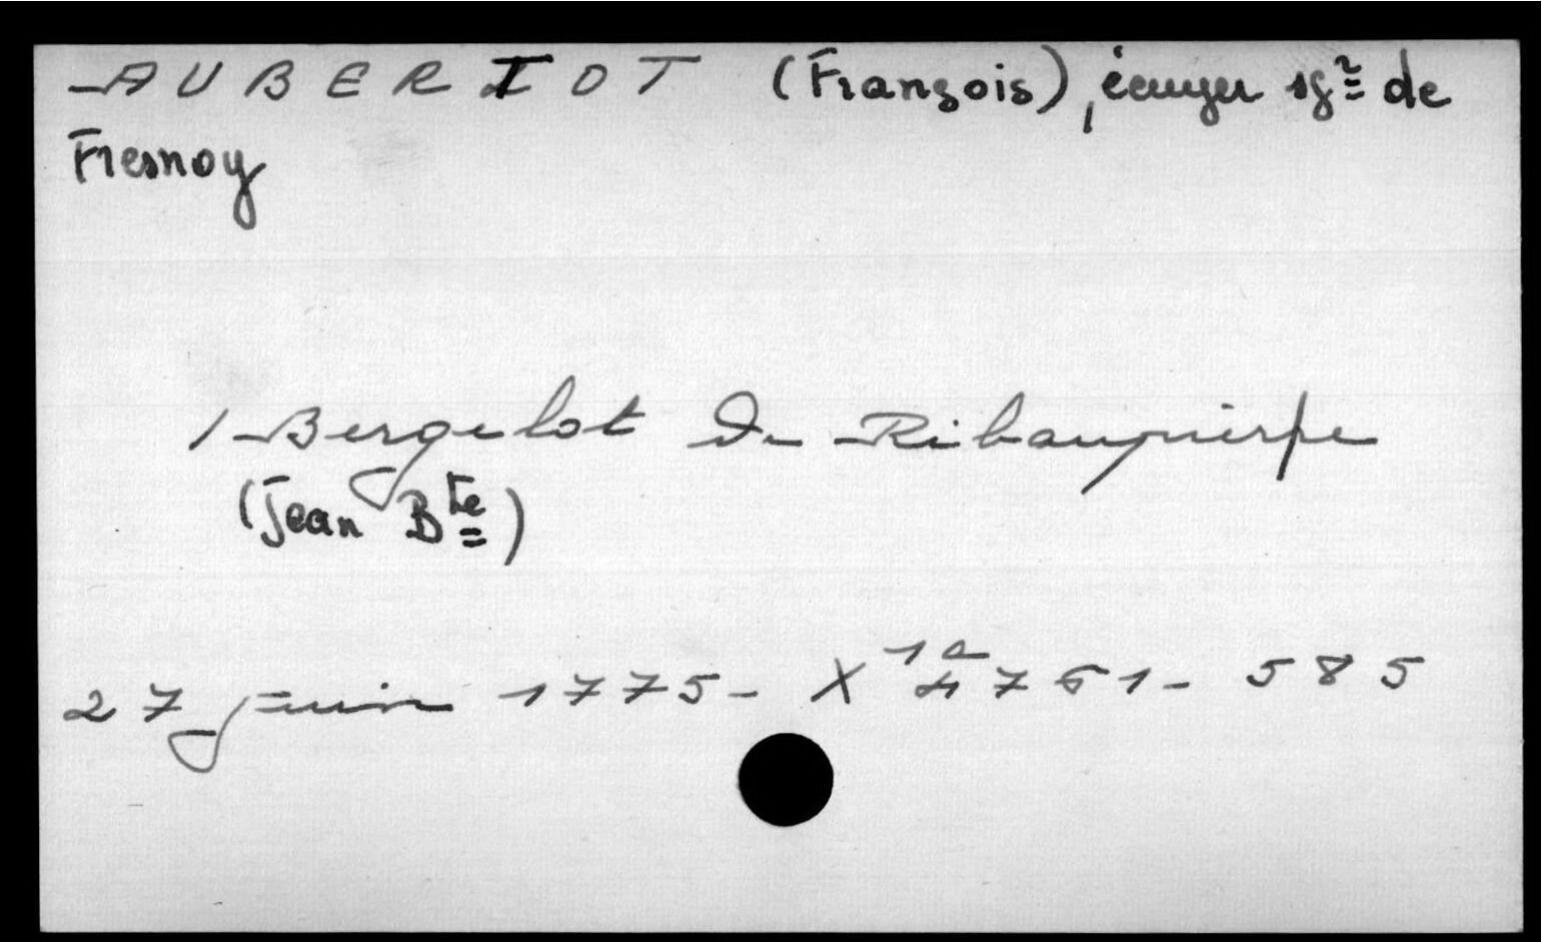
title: AUBERIOT (François), écuyer de Fresnoy
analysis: Contre Bergulot de Ribaupierre (Jean-Baptiste)
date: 27 juin 1775
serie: X1a
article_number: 4761
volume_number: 585
